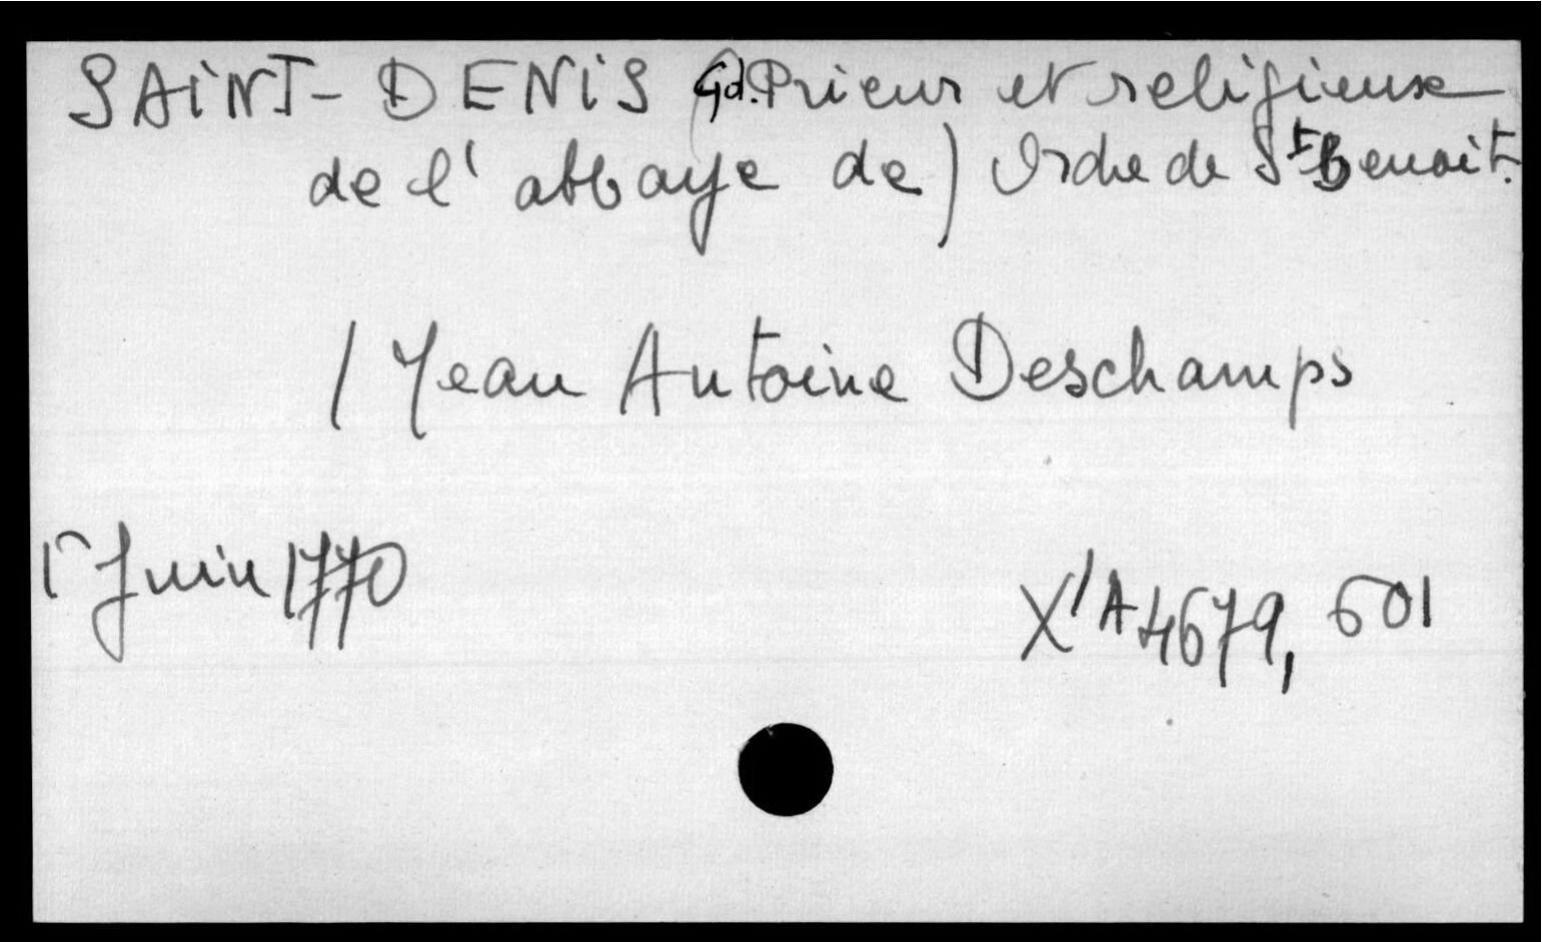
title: SAINT-DENIS (Prieur et religieux de l'abbaye de) ordre de Saint-Benoit.
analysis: Contre Jean Antoine Deschamps
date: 1 juin 1770
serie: X1A
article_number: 4679
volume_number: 601
